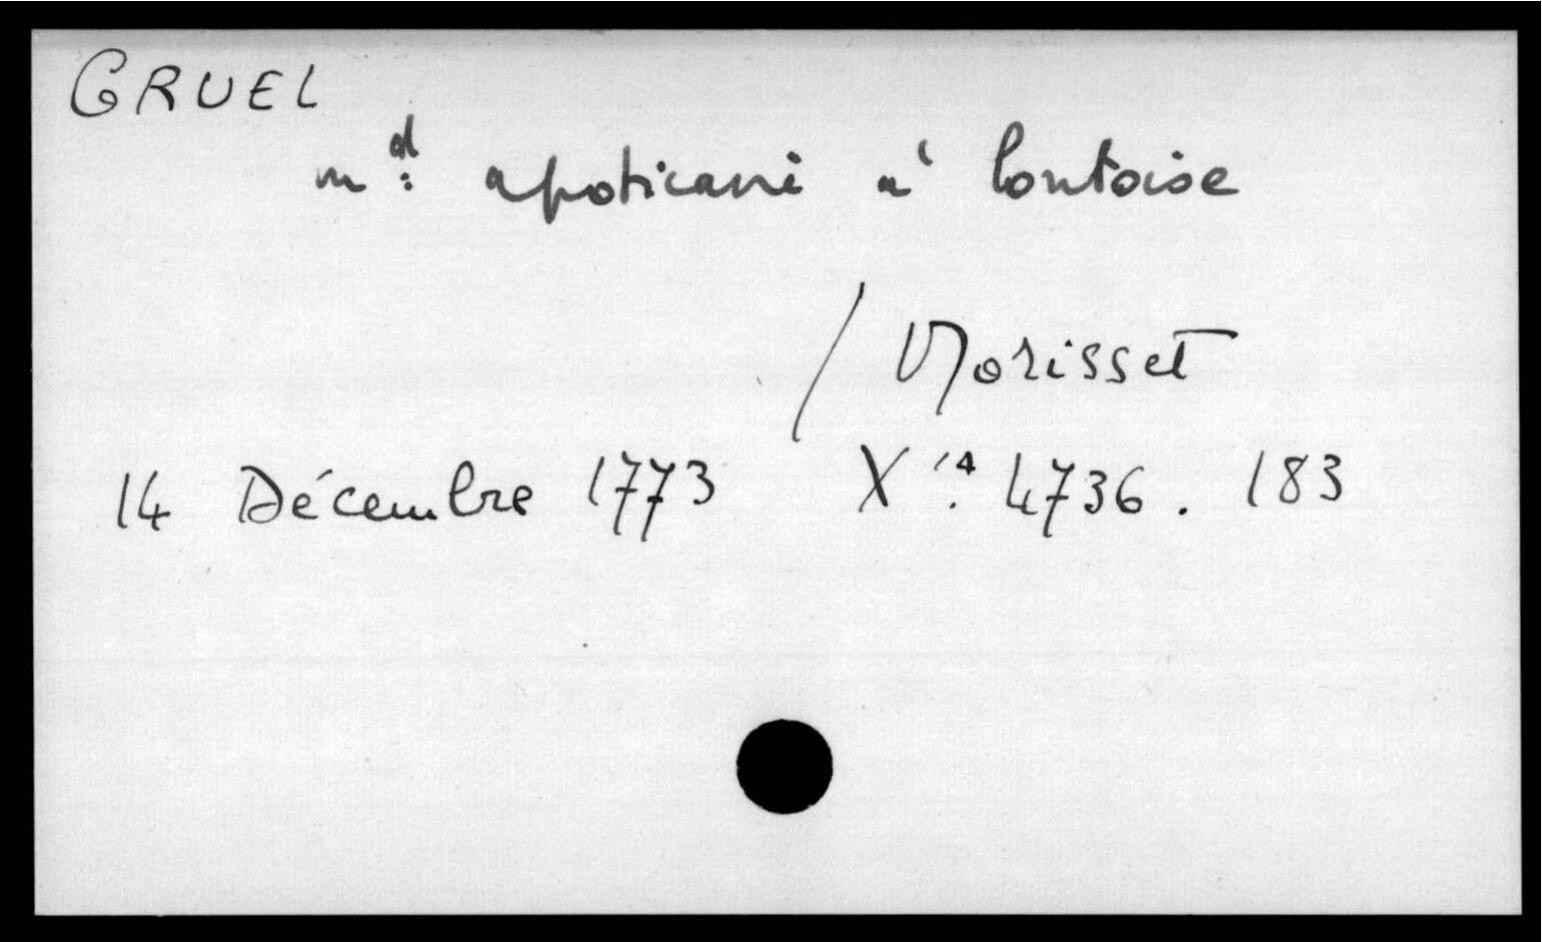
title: GRUEL, marchand apothicaire à Pontoise
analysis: Contre Morisset
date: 14 décembre 1773
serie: X1A
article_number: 4736
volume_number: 183
